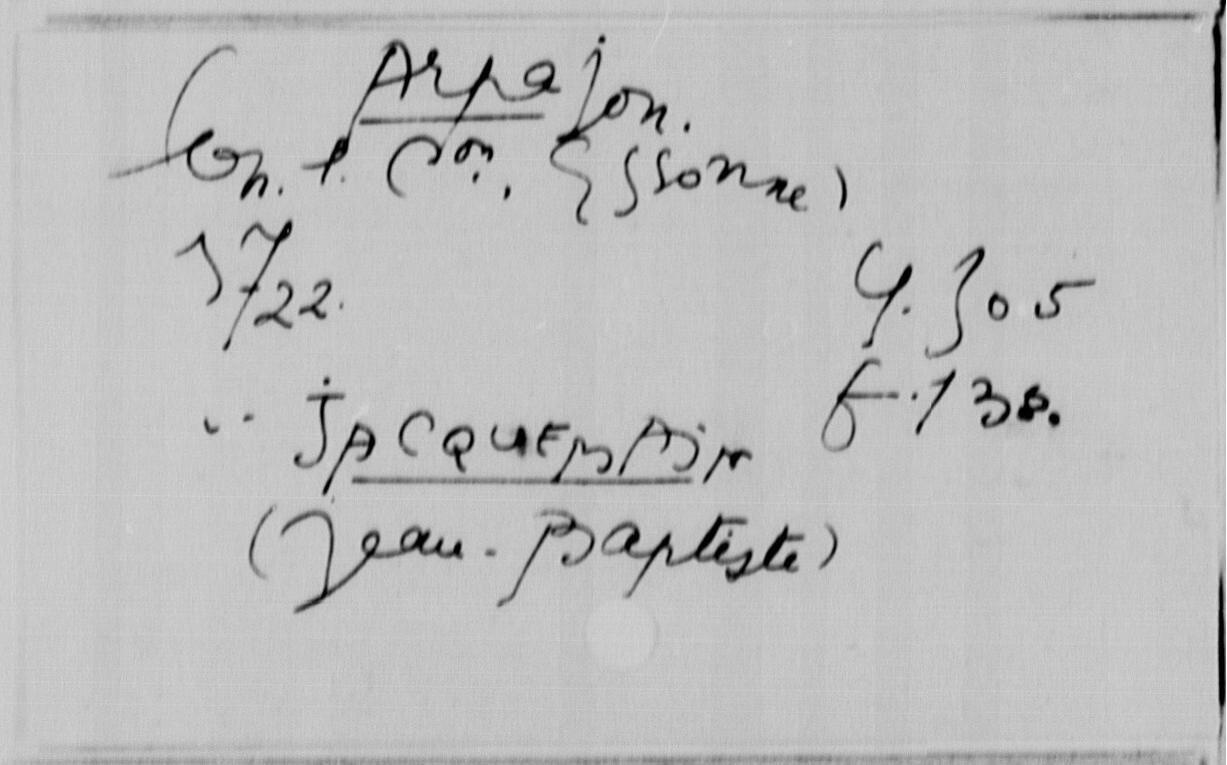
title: ARPAJON (chef-lieu de canton, département de l'Essonne)
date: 1722
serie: Y
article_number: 305
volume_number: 138
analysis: Voir JACQUEMAIN (Jean-Baptiste)
